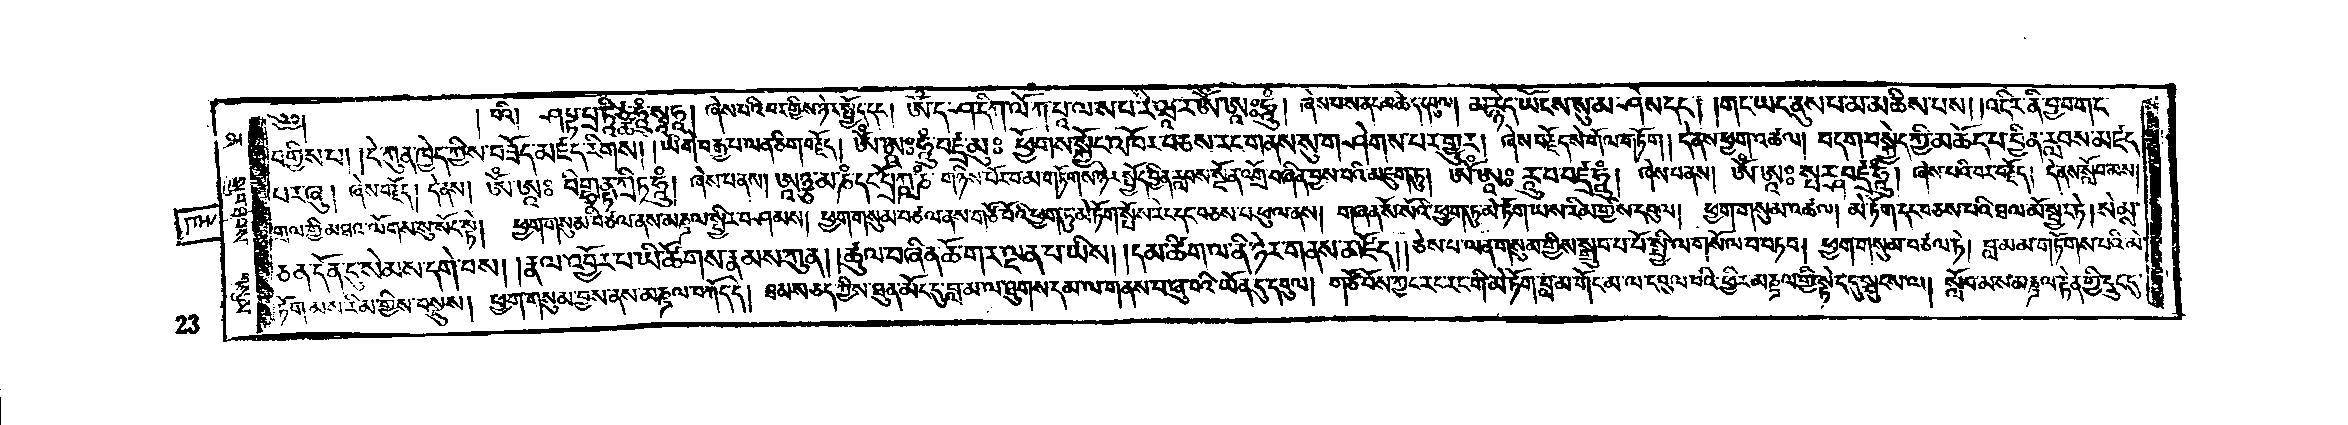༄༅། །བའི་ཤཔྟ་པྲ་ཏཱི་ཙྪ་ཧཱུཾ་སྭཱ་ཧཱ། ཞེས་པའི་བར་གྱིས་ཉེར་སྤྱོད་དང་།  ཨོཾ་ད་ཤ་དིཀ་ལོ་ཀ་པཱ་ལ་ས་པ་རི་ཝཱ་ར་ཨོམ་ཨཱཿ ཧཱུཾ། ཞེས་པས་ནང་མཆེད་དབུལ།  མ་རྙེད་ཡོངས་སུ་མ་ཤེས་དང་། །གང་ཡུཨང་ནུས་པ་མ་མཆྶི་པས། །འདིར་ནི་བྱ་བ་གང་
བགྱིས་པ། །དེ་ཀུན་ཁྱེད་ཀྱིས་བཟོད་མཛད་རིགས། ། ཡི་གེ་བརྒྱ་པ་ལན་ཅིག་བརྗོད། ཨོཾ་ཨཱཿ ཧཱུཾ་བཛྲ་མུཿ ཕྱོགས་སྐྱོང་འཁོར་བཅས་རང་གནས་སུ་གཤེགས་པར་གྱུར། ཞེས་བརྗོད་སེ་གོལ་གཏོག །དེ་ནས་ཕྱག་འཚལ། བདག་བསྐྱེད་ཀྱི་མཆོད་པ་བྱིན་རླབས་མཛད་
པར་ཞུ། ཞེས་བརྗོད། དེ་ནས། ཨོཾ་ཨཱཿ བིགྷྣནྟ་ཀི་ཏ་ཧཱུམ། ཞེས་པ་ནས། ཨཱ་ཉྩ་མ་ཎཾ་དང་པྲོ་ཀྵ་ཎཾ་གཉིས་པོར་བ་མ་གཏོགས་ཉེར་སྤྱོད་བྱིན་རླབས་སྔོན་འགྲོ་བཞིན་བྱས་པའི་མཇུག་ཏུ།  ཨོཾ་ཨཱཿ རཱུ་པ་བཛྲ་ཧཱུཾ། ་ཞེས་པ་ནས།  ཨོམ་ཨཱཿ སྤརྴ་བཛྲེ་ཧཱུཾ། ཞེས་པའི་བར་བརྗོད། དེ་ནས་སློབ་མས།
གྲལ་གྱི་མཐའ་ལོགས་སུ་སོང་སྟེ། ཕྱག་གསུམ་བཅལ་ནས་མཎྜལ་སྤྱིར་བཤམས། ཕྱག་གསུམ་བཙལ་ནས་གཙོ་བོའི་ཕྱག་ཏུ་མེ་ཏོག་པོས་རེང་དང་བཅས་པ་ཕུལ་ནས། གཞན་སོ་སོའི་ཕྱག་ཏུ་མེ་ཏོག་ཡས་རིམ་གྱིས་དབུལ། ཕྱག་གསུམ་འཚལ། མེ་ཏོག་དང་བཅས་པའི་ཐལ་མོ་སྦྱར་ཏེ། སེམས་
ཅན་དོན་དུ་སེམས་དགེ་བས། །རྣལ་འབྱོར་པ་ཡི་ཚོགས་རྣམས་ཀུན། །ཚུལ་བཞིན་ཆོ་གར་ལྡན་པ་ཡིས། །དམ་ཚིག་ལ་ནི་ཉེར་གནས་མཛོད། །ཅེས་པ་ལན་གསུམ་གྱིས་སྒྲུབ་པ་པོ་སྤྱི་ལ་གསོལ་བ་བཏབ།  ཕྱག་གསུམ་བཙལ་ཏེ། བླ་མ་མ་གཏོགས་པའི་མེ་
ཏོག་མས་རིམ་གྱིས་བསྡུས། ཕྱག་གསུམ་བྱས་ནས་མཎྜལ་བཀོད་དེ། ཐམས་ཅད་ཀྱིས་ཐུན་མོང་དུ་བླ་མ་ལ་ཐུགས་དམ་ལ་གནས་པ་ཞུ་བའི་ཡོན་དུ་དབུལ། གཙོ་བོས་ཀྱང་རང་རང་གི་མེ་ཏོག་བླ་མ་གོང་མ་ལ་དབུལ་བའི་ཕྱིར་མཎྜལ་གྱི་སྟེང་དུ་སྦུངས་ལ། སློབ་མས་མཎྜལ་རྟེན་གྱི་དྲུང་དུ་